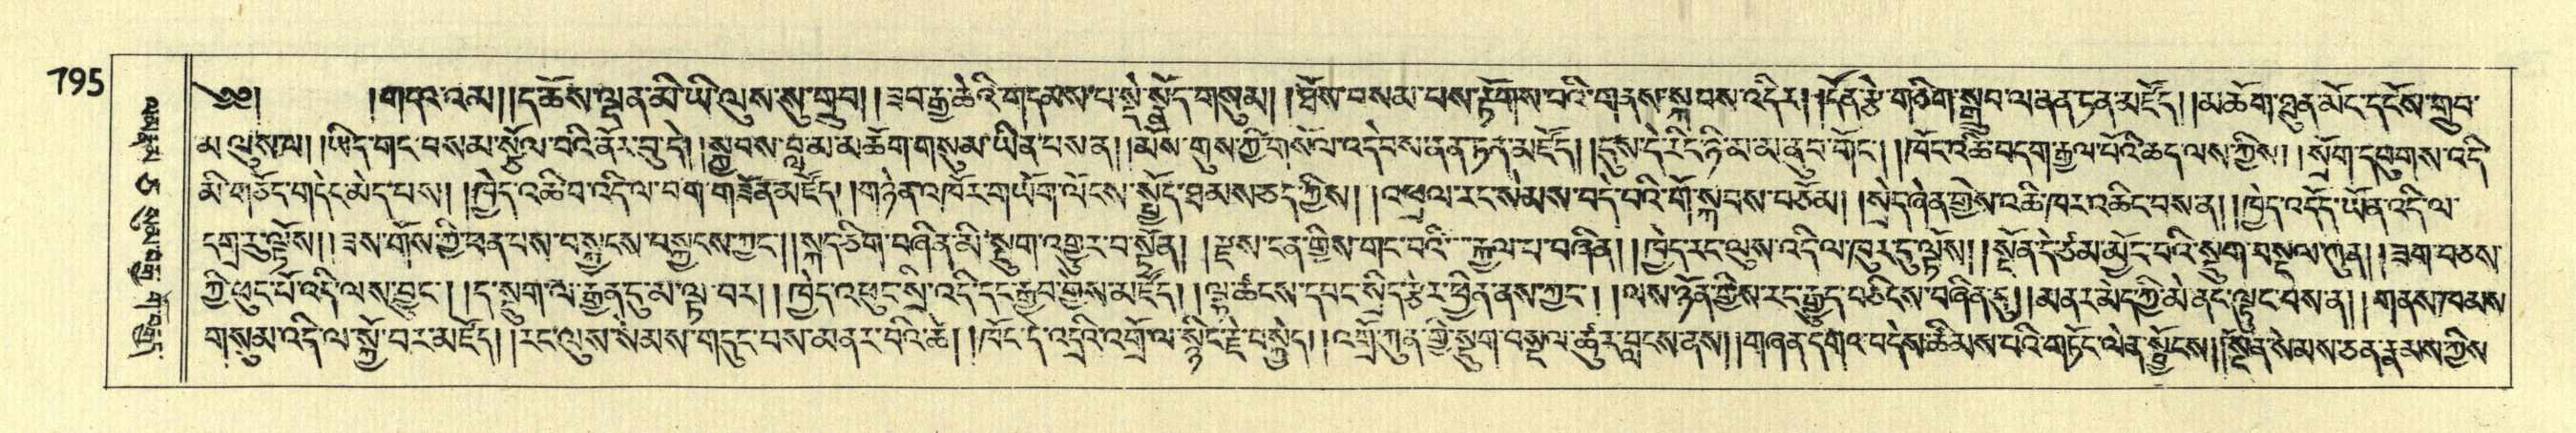༄༅། །གདའ་འམ། །ད་ཆོས་ལྡན་མི་ཡི་ལུས་སུ་གྲུབ། །ཟབ་རྒྱ་ཆེའི་གདམས་པ་སྡེ་སྣོད་གསུམ། །ཐོས་བསམ་པས་རྟོགས་པའི་གནས་སྐབས་འདིར། །དོན་རྩེ་གཅིག་སྒྲུབ་ལ་ནན་ཏན་མཛོད། །མཆོག་ཐུན་མོང་དངོས་གྲུབ་
མ་ལུས་ལ། །ཡིད་གང་བསམ་སྩོལ་བའི་ནོར་བུ་དེ། །སྐྱབས་བླ་མ་མཆོག་གསུམ་ཡིན་པས་ན། །མོས་གུས་ཀྱི་གསོལ་འདེབས་ནན་ཏན་མཛོད། །དུས་དེ་རིང་ཉི་མ་མ་ནུབ་གོང་། །ཁོང་འཆི་བདག་རྒྱལ་པོའི་ཆད་ལས་ཀྱིས། །སྲོག་དབུགས་འདི་
མི་གཅོང་གདེང་མེད་པས། །ཁྱེད་འཆི་བ་འདི་ལ་བག་གཟོན་མཛོད། །གཉེན་འཁོར་གཡོག་ལོངས་སྤྱོད་ཐམས་ཅད་ཀྱིས། །འཕྲལ་རང་སེམས་བདེ་བའི་གོ་སྐབས་བཅོམ། །སྲེད་ཞེན་གྱིས་འཆི་ཁར་འཆིང་བས་ན། །ཁྱེད་འདོད་ཡོན་འདི་ལ་
དགྲ་རུ་ལྟོས། །ཟས་གོས་ཀྱི་ཕན་པས་བསྐྱངས་བསྐྱངས་ཀྱང་། །སྐད་ཅིག་བཞིན་མི་སྡུག་འགྱུར་བ་སྟོན། །རྫས་ངན་གྱིས་གང་བའི་རྒྱལ་པ་བཞིན། །ཁྱེད་རང་ལུས་འདི་ལ་ཁུར་དུ་ལྟོས། །སྔོན་དེ་ཙམ་མྱོང་བའི་སྡུག་བསྔལ་ཀུན། །ཟག་བཅས་
ཀྱི་ཕུང་པོ་འདི་ལས་བྱུང་། །ད་སྡུག་ལ་རྒྱན་དུ་མ་ལྟ་བར། །ཁྱེད་འཕུང་སྲི་འདི་དང་རྒྱབ་གྱེས་མཛོད། །ལྷ་ཚངས་དབང་སྲིད་རྩེར་ཕྱིན་ནས་ཀྱང་། །ལས་ཉོན་གྱིས་རང་རྒྱུད་བཅིངས་བཞིན་དུ། །མནར་མེད་ཀྱི་མེ་ནང་ལྟུང་བས་ན། །གནས་ཁམས་
གསུམ་འདི་ལ་སྐྱོ་བར་མཛོད། །རང་ལུས་སེམས་གདུང་བས་མནར་བའི་ཚེ། །ཁོང་དེ་འདྲའི་འགྲོ་ལ་སྙིང་རྗེ་བསྐྱེད། །འགྲོ་ཀུན་གྱི་སྡུག་བསྔལ་ཚུར་བླངས་ནས། །གཞན་དགའ་བདེས་ཚིམས་པའི་གཏོང་ལེན་སྦྱོངས། །སྔོན་སེམས་ཅན་རྣམས་ཀྱིས་